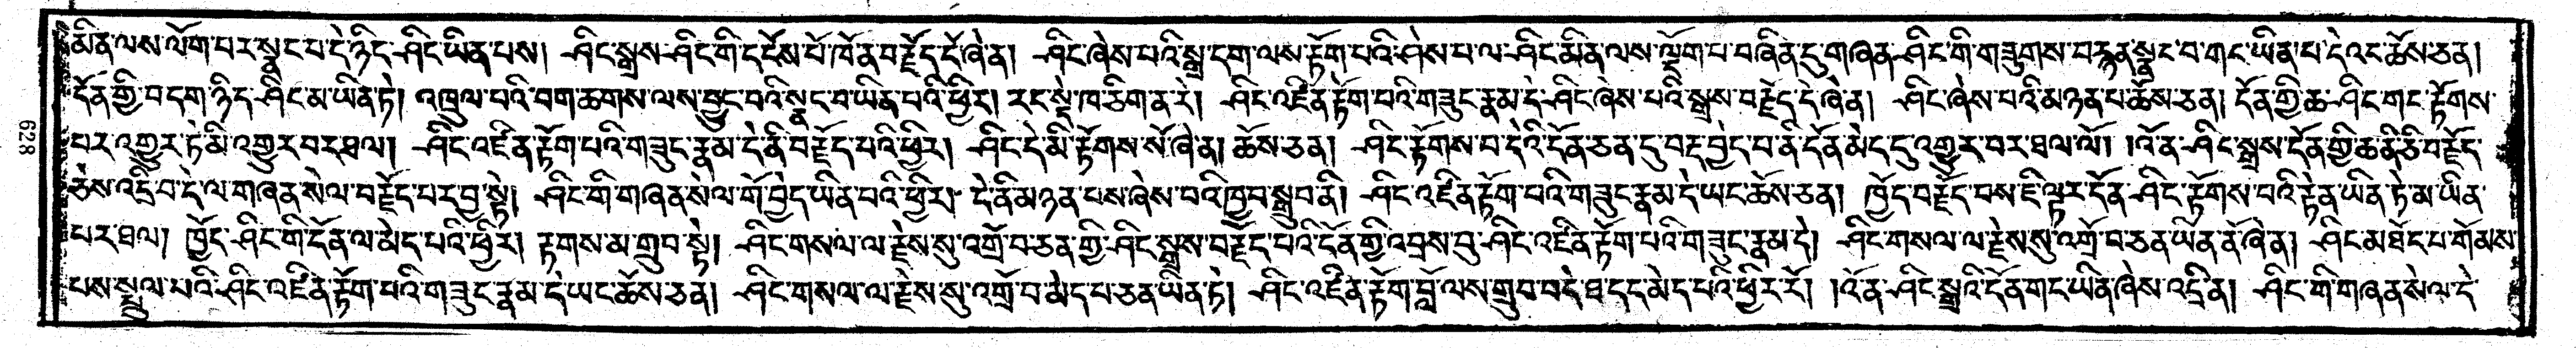མིན་ལས་ལོག་པར་སྣང་བ་དེ་ཉིད་ཤིང་ཡིན་པས། ཤིང་སྒྲས་ཤིང་གི་དངོས་པོ་ཁོ་ན་བརྗོད་དོ་ཞེ་ན། ཤིང་ཞེས་པའི་སྒྲ་དག་ལས་རྟོག་པའི་ཤེས་པ་ལ་ཤིང་མིན་ལས་ལྡོག་པ་བཞིན་དུ་གཞན་ཤིང་གི་གཟུགས་བརྙན་སྣང་བ་གང་ཡིན། པ་དེའང་ཆོས་ཅན།
དོན་གྱི་བདག་ཉིད་ཤིང་མ་ཡིན་ཏེ། འཁྲུལ་པའི་བག་ཆགས་ལས་བྱུང་བའི་སྣང་བ་ཡིན་པའི་ཕྱིར། རང་སྡེ་ཁ་ཅིག་ན་རེ། ཤིང་འཛིན་རྟོག་པའི་གཟུང་རྣམ་དེ་ཤིང་ཞེས་པའི་སྒྲས་བརྗོད་དེ་ཞེ་ན། ཤིང་ཞེས་པའི་མཉན་པ་ཆོས་ཅན། དོན་གྱི་ཆ་ཤིང་གང་རྟོགས་
པར་འགྱུར་ཏེ་མི་འགྱུར་བར་ཐལ། ཤིང་འཛིན་རྟོག་པའི་གཟུང་རྣམ་དེ་ནི་བརྗོད་པའི་ཕྱིར། ཤིང་དེ་མི་རྟོགས་སོ་ཞེ་ན། ཆོས་ཅན། ཤིང་རྟོགས་པ་དེའི་དོན་ཅན་དུ་བརྡ་བྱེད་པ་ནི་དོན་མེད་དུ་འགྱུར་བར་ཐལ་ལོ། །འོ་ན་ཤིང་སྒྲས་དོན་གྱི་ཆ་ནི་ཅི་བརྗོད་
ཅེས་འདྲི་བ་དེ་ལ་གཞན་སེལ་བརྗོད་པར་བྱ་སྟེ། ཤིང་གི་གཞན་སེལ་གོ་བྱེད་ཡིན་པའི་ཕྱིར། དེ་ནི་མཉན་པས་ཞེས་པའི་ཁྱབ་སྒྲུབ་ནི། ཤིང་འཛིན་རྟོག་པའི་གཟུང་རྣམ་དེ་ཡང་ཆོས་ཅན། ཁྱོད་བརྗོད་བས་ཇི་ལྟར་དོན་ཤིང་རྟོགས་པའི་རྟེན་ཡིན་ཏེ་མ་ཡིན་
པར་ཐལ། ཁྱོད་ཤིང་གི་དོན་ལ་མེད་པའི་ཕྱིར། རྟགས་མ་གྲུབ་སྟེ། ཤིང་གསལ་ལ་རྗེས་སུ་འགྲོ་བ་ཅན་གྱི་ཤིང་སྒྲས་བརྗོད་པའི་དོན་གྱི་འབྲས་བུ་ཤིང་འཛིན་རྟོག་པའི་གཟུང་རྣམ་དེ། ཤིང་གསལ་བ་རྗེས་སུ་འགྲོ་བ་ཅན་ཡིན་ནོ་ཞེ་ན། ཤིང་མཐོང་པ་གོམས་
པས་སྤྲུལ་པའི་ཤིང་འཛིན་རྟོག་པའི་གཟུང་རྣམ་དེ་ཡང་ཆོས་ཅན། ཤིང་གསལ་ལ་རྗེས་སུ་འགྲོ་བ་མེད་པ་ཅན་ཡིན་ཏེ། ཤིང་འཛིན་རྟོག་བློ་ལས་གྲུབ་བདེ་ཐ་དད་མེད་པའི་ཕྱིར་རོ། །འོ་ན་ཤིང་སྒྲའི་དོན་གང་ཡིན་ཞེས་འདྲི་ན། ཤིང་གི་གཞན་སེལ་དེ་